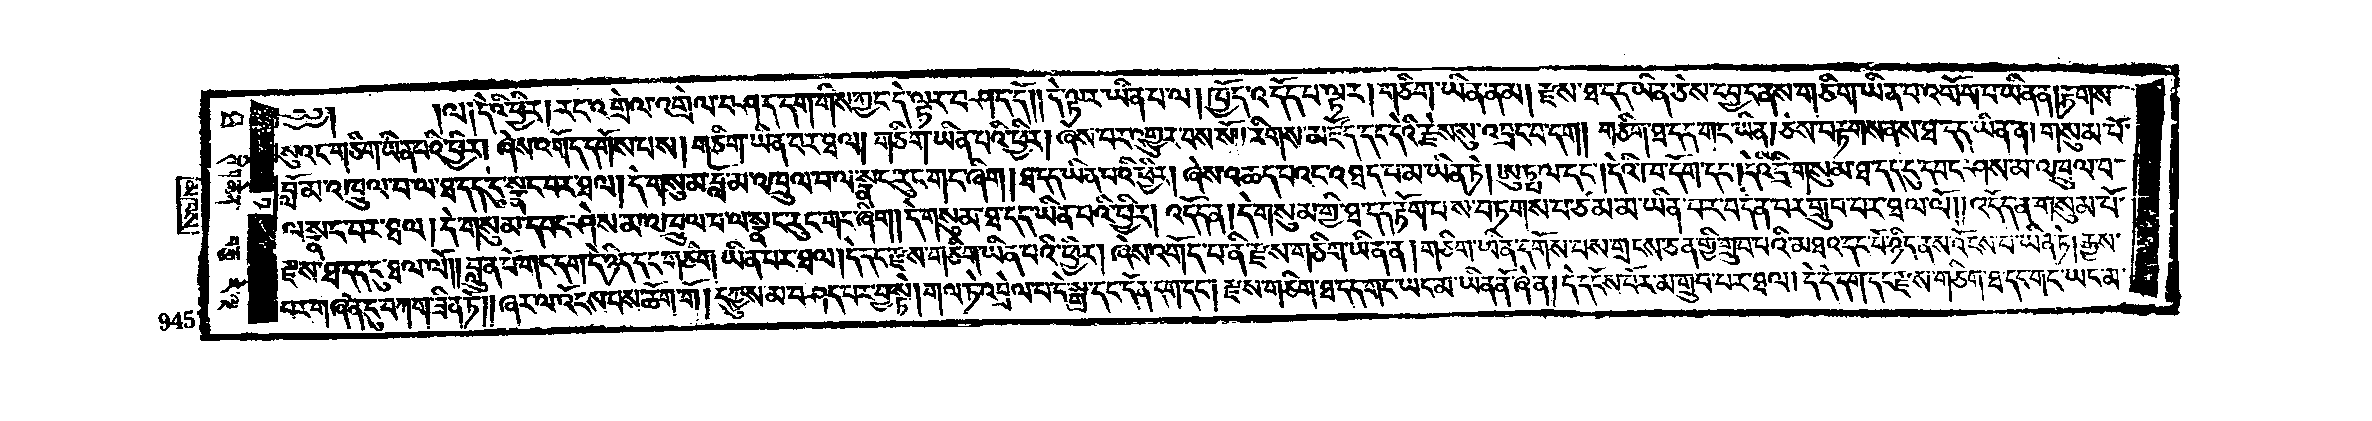༄༅། །ལ། དེའི་ཕྱིར། རང་འགྲེལ་འགྲེལ་བཤད་དག་གིས་ཀྱང་དེ་ལྟར་བཤད་དོ། །དེ་ལྟར་ཡིན་པ་ལ། ཁྱོད་འདོད་པ་ལྟར། གཅིག་ཡིན་ནམ། རྫས་ཐ་དད་ཡིན་ཅེས་དཔྱད་ནས་གཅིག་ཡིན་པ་འགོག་པ་ཡིན་ན། རྟགས་
སུའང་གཅིག་ཡིན་པའི་ཕྱིར། ཞེས་འགོད་དགོས་པས། གཅིག་ཡིན་པར་ཐལ། གཅིག་ཡིན་པའི་ཕྱིར། ཞེས་པར་འགྱུར་བས་སོ། །རིགས་མཛོད་དང་དེའི་རྗེས་སུ་འབྲང་བ་དག། གཅིག་ཐ་དད་གང་ཡིན། ཅེས་བརྟགས་ནས་ཐ་དད་ཡིན་ན། གསུམ་པོ་
བློ་མ་འཁྲུལ་བ་ལ་ཐ་དད་དུ་སྣང་བར་ཐལ། དེ་གསུམ་བློ་མ་འཁྲུལ་བ་ལ་སྣང་རུང་གང་ཞིག། ཐ་དད་ཡིན་པའི་ཕྱིར། ཞེས་འཆད་པའང་འཐད་པ་མ་ཡིན་ཏེ། ཨུཏྤ་ལ་དང་། དེའི་ཁ་དོག་དང་། དེའི་དྲི་གསུམ་ཐ་དད་དུ་དབང་ཤེས་མ་འཁྲུལ་བ་
ལ་སྣང་བར་ཐལ། དེ་གསུམ་དབང་ཤེས་མ་འཁྲུལ་བ་ལ་སྣང་རུང་གང་ཞིག། དེ་གསུམ་ཐ་དད་ཡིན་པའི་ཕྱིར། འདོད་ན། དེ་གསུམ་གྱི་ཐ་དད་རྟོག་པས་བཏགས་པ་ཙམ་མ་ཡིན་པར་བདེན་པར་གྲུབ་པར་ཐལ་ལོ། །འདོད་ན་གསུམ་པོ་
རྫས་ཐ་དད་དུ་ཐལ་ལོ། །བླུན་པོ་གང་དག་དེ་ཉིད་དང་གཅིག་ཡིན་པར་ཐལ། དེ་དང་རྫས་གཅིག་ཡིན་པའི་ཕྱིར། ཞེས་འགོད་པ་ནི་རྫས་གཅིག་ཡིན་ན། གཅིག་ཡིན་དགོས་པས་གྲངས་ཅན་གྱི་གྲུབ་པའི་མཐའ་དང་པོ་ཉིད་ནས་འོངས་པ་ཡིན་ཏེ། རྒྱས་
པར་གཞེན་དུ་བཀག་ཟིན་ཏོ། །ཞར་ལ་འོངས་པས་ཆོག་གོ། དཀྱུས་མ་བཤད་པར་བྱ་སྟེ། གལ་ཏེ་འབྲེལ་བ་དེ་སྒྲ་དང་དོན་དག་དང་། རྫས་གཅིག་ཐ་དད་གང་ཡང་མ་ཡིན་ནོ་ཞེ་ན། དེ་དངོས་པོར་མ་གྲུབ་པར་ཐལ། དེ་དེ་དག་དང་རྫས་གཅིག་ཐ་དད་དང་གང་ཡང་མ་